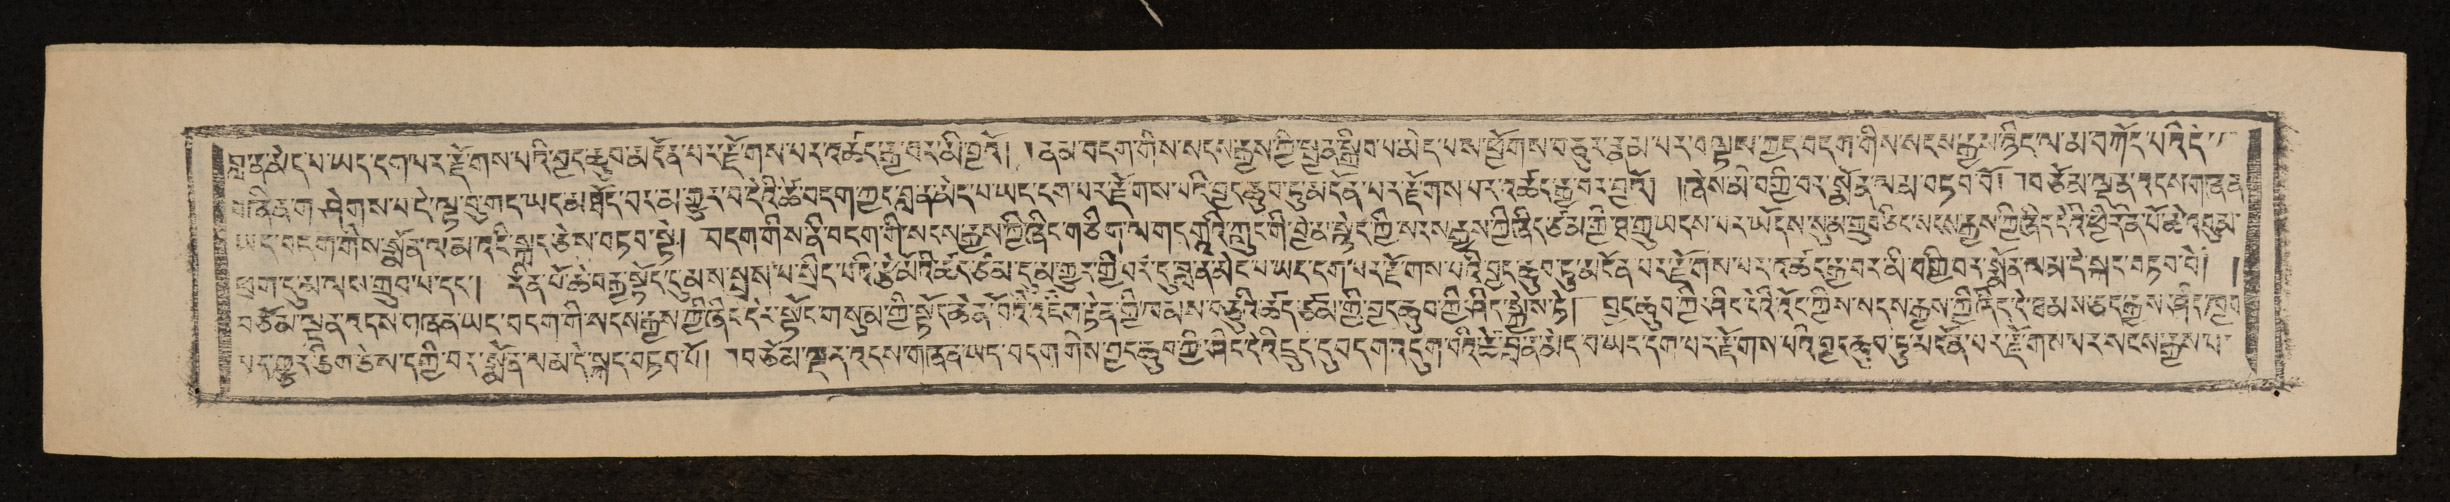བླ་ན་མེད་པ་ཡང་དག་པར་རྫོགས་པའི་བྱང་ཆུབ་མངོན་པར་རྫོགས་པར་འཚང་རྒྱ་བར་མི་བྱའོ། །ནམ་བདག་གིས་སངས་རྒྱས་ཀྱི་སྤྱན་སྒྲིབ་པ་མེད་པས་ཕྱོགས་བཅུར་རྣམ་པར་བལྟས་ཀྱང་བདག་གིས་སངས་རྒྱས་ཉིད་ལ་མ་བཀོད་པའི་དེ་
བཞིན་གཤེགས་པ་དེ་ལྟ་བུ་གང་ཡང་མཐོང་བར་མ་གྱུར་པ་དེའི་ཚེ་བདག་ཀྱང་བླ་ན་མེད་པ་ཡང་དག་པར་རྫོགས་པའི་བྱང་ཆུབ་ཏུ་མངོན་པར་རྫོགས་པར་འཚང་རྒྱ་བར་བྱའོ། །ཞེས་མི་བགྱི་བར་སྨོན་ལམ་བཏབ་པོ། །བཅོམ་ལྡན་འདས་གཞན་
ཡང་བདག་གིས་སྨོན་ལམ་འདི་སྐད་ཅེས་བཏབ་སྟེ། བདག་གིས་ནི་བདག་གི་སངས་རྒྱས་ཀྱི་ཞིང་གཅིག་ལ་གང་གཱའི་ཀླུང་གི་བྱེ་མ་སྙེད་ཀྱི་སངས་རྒྱས་ཀྱི་ཞིང་ཙམ་གྱི་ཐ་གྲུ་ཡངས་པར་ཡོངས་སུ་མ་གྲུབ་ཅིང་སངས་རྒྱས་ཀྱི་ཞིང་དེའི་ཕྱི་རིན་པོ་ཆེ་འབུམ་
ཕྲག་དུ་མ་ལས་གྲུབ་པ་དང་། རིན་པོ་ཆེ་བརྒྱ་སྟོང་དུ་མས་སྤྲས་པ་སྲིད་པའི་རྩེ་མོའི་ཚད་ཙམ་དུ་མ་གྱུར་གྱི་བར་དུ་བླ་ན་མེད་པ་ཡང་དག་པར་རྫོགས་པའི་བྱང་ཆུབ་ཏུ་མངོན་པར་རྫོགས་པར་འཚང་རྒྱ་བར་མི་བགྱི་བར་སྨོན་ལམ་དེ་སྐད་བཏབ་པོ། །
བཅོམ་ལྡན་འདས་གཞན་ཡང་བདག་གི་སངས་རྒྱས་ཀྱི་ཞིང་དེར་སྟོང་གསུམ་གྱི་སྟོང་ཆེན་པོའི་འཇིག་རྟེན་གྱི་ཁམས་བཅུའི་ཚད་ཙམ་གྱི་བྱང་ཆུབ་ཀྱི་ཤིང་སྐྱེས་ཏེ། བྱང་ཆུབ་ཀྱི་ཤིང་དེའི་འོད་ཀྱིས་སངས་རྒྱས་ཀྱི་ཞིང་དེ་ཐམས་ཅད་རྒྱས་ཤིང་ཁྱབ་
པར་གྱུར་ཅིག་ཅེས་བགྱི་བར་སྨོན་ལམ་དེ་སྐད་བཏབ་པོ། །བཅོམ་ལྡན་འདས་གཞན་ཡང་བདག་གིས་བྱང་ཆུབ་ཀྱི་ཤིང་དེའི་དྲུང་དུ་བདག་འདུག་པའི་ཚེ་བླ་ན་མེད་པ་ཡང་དག་པར་རྫོགས་པའི་བྱང་ཆུབ་ཏུ་མངོན་པར་རྫོགས་བར་སངས་རྒྱས་པ་